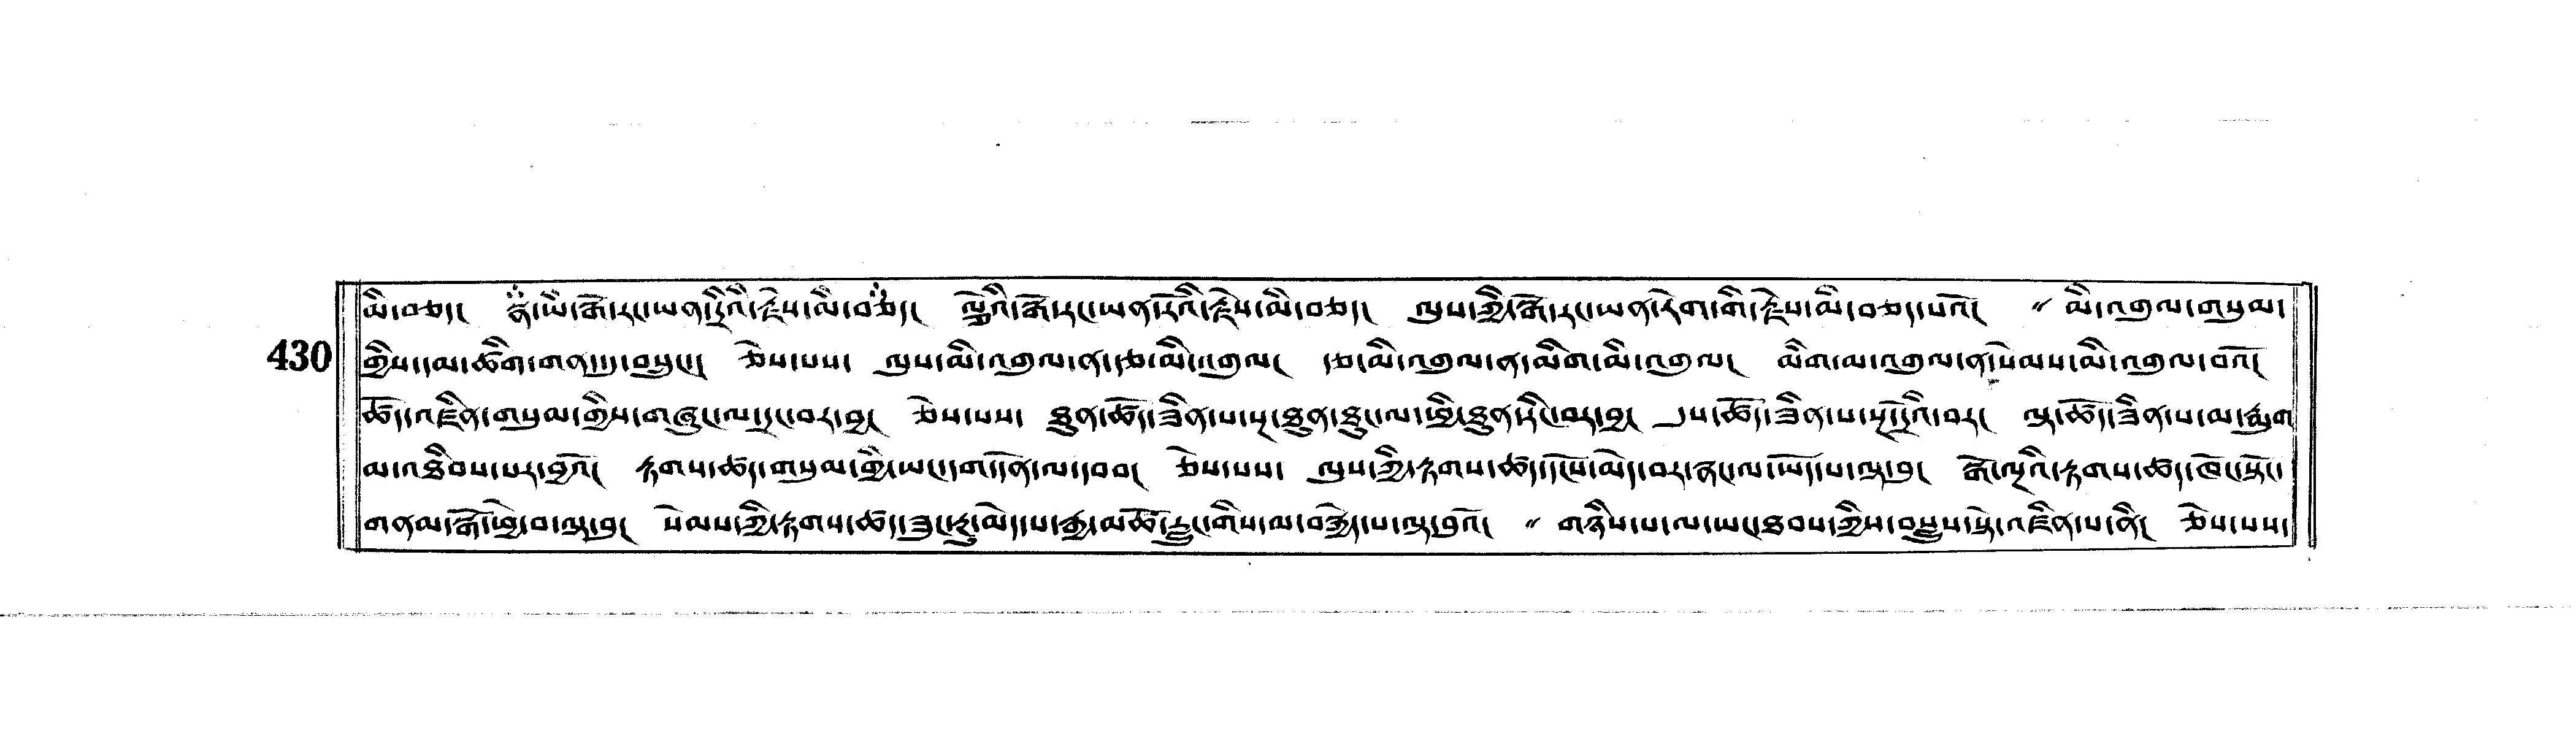མི་བཅད། ལྕེ་ཡི་སྒོ་རང་ཡན་རོ་ཡི་རྗེས་མི་བཅད། ལུས་ཀྱི་སྒོ་རང་ཡན་རེག་གི་རྗེས་མི་བཅད་པའོ། མི་འགུལ་གསུམ་
གྱིས་དམ་ཚིག་གནད་དུ་སྲུང་། ཅེས་པས། ལུས་མི་འགུལ་ན་རྩ་མི་འགུལ། རྩ་མི་འགུལ་ན་མིག་མི་འགུལ། མི་མ་འགུལ་ན་སེམས་མི་འགུལ་བའོ། 
ཚོད་འཛིན་གསུམ་གྱིས་གཞུང་ལ་དྲང་བར་བྱ། ཅེས་པས། ཐུན་ཚོད་ཟིན་པ་སྔ་ཐུན་ཐུང་ལ་ཕྱི་ཐུན་རིང་བར་བྱ། དུས་ཚོད་ཟིན་པ་སྔ་དྲོའི་བར། ལྟ་ཚོད་ཟིན་པ་མ་རྨུག་
མ་འཐིབས་པར་བྱའོ། རྟགས་ཚད་གསུམ་གྱིས་ཡང་དག་དོན་ལ་དབབ། ཅེས་པས། ལུས་ཀྱི་རྟགས་ཚད་དངོས་མེད་བར་སྣང་ལ་ཡོད་པ་ལྟ་བུ། སྒོ་ལྔའི་རྟགས་ཚད་ཁང་སྟོང་
གནམ་སྒོ་ཕྱེ་བ་ལྟ་བུ། སེམས་ཀྱི་རྟགས་ཚད་ཟུག་རྔུ་མེད་པ་རྒྱ་མཚོ་རླུང་གིས་མ་བསྐྱེད་པ་ལྟ་བུའོ། ༧ གཉིས་པ་ལ་ཡང་ཐབས་ཀྱིས་བསླུས་ཏེ་འཛིན་པ་ནི། ཅེས་པས།